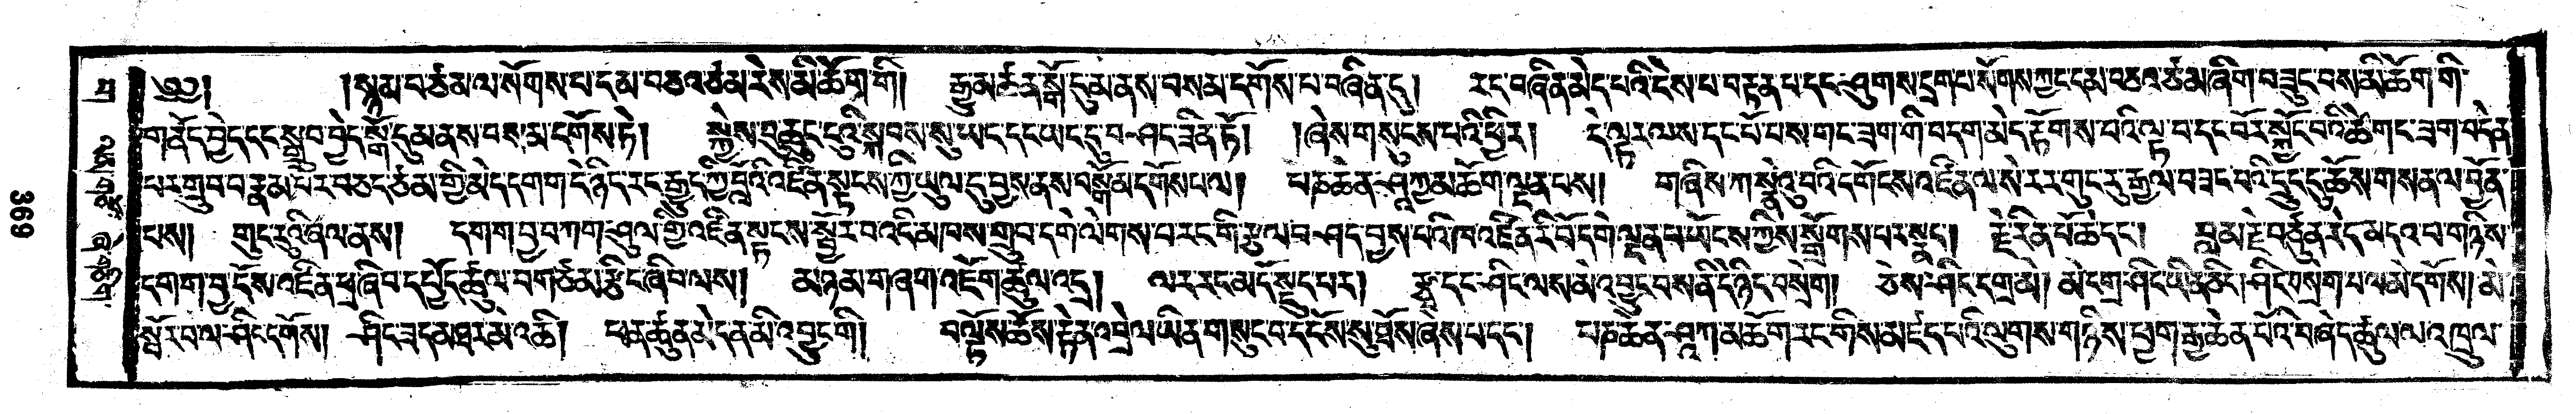༄༅། །སྙམ་པ་ཙམ་ལ་སོགས་པ་དམ་བཅའ་ཙམ་རེས་མི་ཆོག་གི། རྒྱུ་མཚན་སྒོ་དུ་མ་ནས་བསམ་དགོས་པ་བཞིན་དུ། རང་བཞིན་མེད་པའི་ངེས་པ་བརྟན་པ་དང་ཤུགས་དྲག་པ་སོགས་ཀྱང་དམ་བཅའ་ཙམ་ཞིག་བཟུང་བས་མི་ཆོག་གི་
གནོད་བྱེད་དང་སྒྲུབ་བྱེད་སྒོ་དུ་མ་ནས་བསམ་དགོས་ཏེ། སྐྱེས་བུ་ཆུང་ངུའི་སྐབས་སུ་ཡང་དང་ཡང་དུ་བཤད་ཟིན་ཏོ། །ཞེས་གསུངས་པའི་ཕྱིར། དེ་ལྟར་ལས་དང་པོ་པས་གང་ཟག་གི་བདག་མེད་རྟོགས་པའི་ལྟ་བ་དང་པོར་སྐྱོང་བའི་ཚེ་གང་ཟག་བདེན་
པར་གྲུབ་པ་རྣམ་པར་བཅད་ཙམ་གྱི་མེད་དགག་དེ་ཉིད་རང་རྒྱུད་ཀྱི་བློའི་འཛིན་སྟངས་ཀྱི་ཡུལ་དུ་བྱས་ནས་བསྒོམ་དགོས་པ་ལ། པཎ་ཆེན་ཤཱཀྱ་མཆོག་ལྡན་པས། གཞིས་ཀ་སྣེའུ་བའི་དགོངས་འཛིན་ལ་སེ་ར་གུང་རུ་རྒྱལ་བཟང་པའི་དྲུང་དུ་ཆོས་གསན་ལ་བྱོན་
པས། གུང་རུའི་ཞལ་ནས། དགག་བྱ་བཀག་ཤུལ་གྱི་འཛིན་སྟངས་སྦྱོར་བ་འདི་མཁས་གྲུབ་དགེ་ལེགས་པ་རང་གི་རྩལ་བཤད་བྱས་པའི་ཁ་འཛིན་རི་བོ་དགེ་ལྡན་པ་ཡོངས་ཀྱིས་སྒྲོགས་པར་སྣང་། རྗེ་རིན་པོ་ཆེ་དང་། བླ་མ་རྗེ་བཙུན་རེད་མདའ་པ་གཉིས་
དགག་བྱ་ངོས་འཛིན་ཕྲ་ཞིབ་དཔྱོད་ཚུལ་བག་ཙམ་རྩིང་ཞིབ་ལས། མཉམ་གཞག་འཇོག་ཚུལ་འདྲ། ལར་རང་མདོ་སྡུད་པར། རྩྭ་དང་ཤིང་ལས་མེ་འབྱུང་བས་ནི་དེ་ཉིད་བསྲེག། ཅེས་ཤིང་དགྲ་མེ། མེ་དགྲ་ཤིང་ཡིན་ཅིང་། ཤིང་བསྲེག་པ་ལ་མེ?་དགོས། མེ་
སྦོར་བ་ལ་ཤིང་དགོས། ཤིང་ཟད་མཐར་མེ་འཆི། ཕན་ཚུན་མེད་ན་མི་འབྱུང་གི། བལྟོས་ཆོས་རྟེན་འབྲེལ་ཡིན་གསུང་བ་དངོས་སུ་ཐོས་ཞེས་པ་དང་། པཎ་ཆེན་ཤཱཀ་མཆོག་རང་གིས་མཛད་པའི་ལུགས་གཉིས་ཕྱག་རྒྱ་ཆེན་པོའི་བཞེད་ཚུལ་ལ་འཁྲུལ་